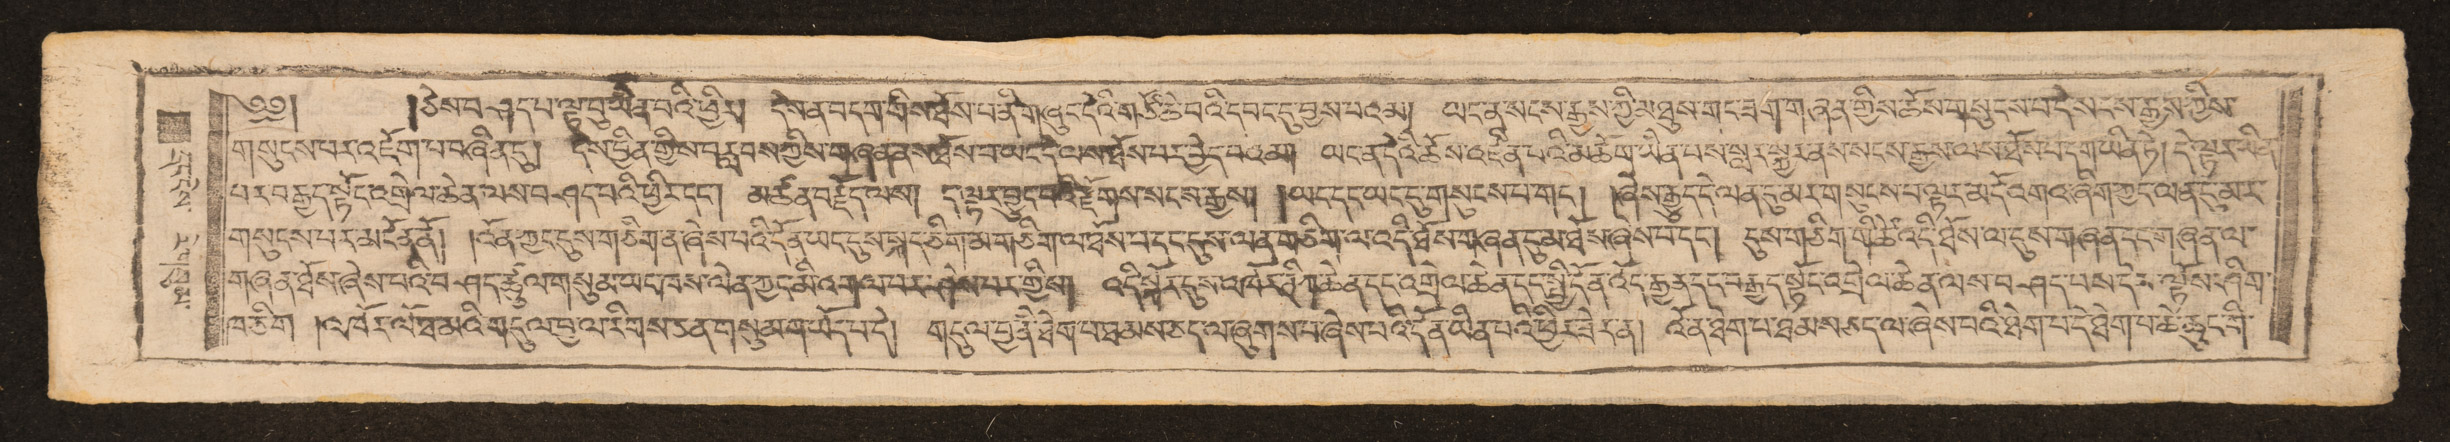༄༅། །ཅེས་བཤད་པ་ལྟ་བུ་ཡིན་པའི་ཕྱིར། དེས་ན་བདག་གིས་ཐོས་པ་ནི་གཞུང་དེའི་གཙོ་ཆེ་བའི་དབང་དུ་བྱས་པའམ། ཡང་ན་སངས་རྒྱས་ཀྱི་མཐུས་གང་ཟག་གཞན་གྱིས་ཆོས་གསུངས་པ་དེ་སངས་རྒྱས་ཀྱིས་
གསུངས་པར་འཇོག་པ་བཞིན་དུ། དེས་བྱིན་གྱིས་བརླབས་ཀྱིས་གཞན་ནས་ཐོས་པ་ཡང་དེ་ལས་ཐོས་པར་བྱེད་པའམ། ཡང་ན་དེའི་ཆོས་འཛིན་པའི་མཆོག་ཡིན་པས་སླར་སྐྱར་ནས་སངས་རྒྱས་ལས་ཐོས་པ་དག་ཡིན་ཏེ། དེ་ལྟར་ཡིན་
པར་བརྒྱད་སྟོང་འགྲེལ་ཆེན་ལས་བཤད་པའི་ཕྱིར་དང་། མཚན་བརྗོད་ལས། ད་ལྟར་བྱུང་བའི་རྫོགས་སངས་རྒྱས། །ཡང་དང་ཡང་དུ་གསུངས་པ་གང་། །ཞེས་རྒྱུད་དེ་ལན་དུ་མར་གསུངས་པ་ལྟར་མདོ་འགའ་ཞིག་ཀྱང་ལན་དུ་མར་
གསུངས་པར་མངོན་ནོ། །འོན་ཀྱང་དུས་གཅིག་ན་ཞེས་པའི་དོན་ཡང་དུས་སྐད་ཅིག་མ་གཅིག་ལ་ཐོས་པ་དང་དུས་ལན་གཅིག་ལ་འདི་ཐོས་གཞན་དུ་མ་ཐོས་ཞེས་པ་དང་། དུས་གཅིག་གི་ཚེ་འདི་ཐོས་ལ་དུས་གཞན་དང་གཞན་ལ་
གཞན་ཐོས་ཞེས་པའི་བཤད་ཚུལ་གསུམ་ཡང་ཁས་ལེན་ཀྱང་མི་འགལ་པར་ཤེས་པར་གྱིས། འདི་སྐོར་དུས་འཁོར་ཊིཀ་ཆེན་དང་འགྲེལ་ཆེན་དང་སྤྱི་དོན་འོད་རྒྱན་དང་བརྒྱད་སྟོང་འགྲེལ་ཆེན་ལས་བཤད་པས་དེར་ལྟོས་ཤིག་
ཁ་ཅིག །འཁོར་ལོ་ཐ་མའི་གདུལ་བྱ་ལ་རིགས་ཅན་གསུམ་ག་ཡོད་པ་དེ། གདུལ་བྱ་ནི་ཐེག་པ་ཐམས་ཅད་ལ་ཞུགས་པ་ཞེས་པའི་དོན་ཡིན་པའི་ཕྱིར་ཟེར་ན། འོ་ན་ཐེག་པ་ཐམས་ཅད་ལ་ཞེས་པའི་ཐེག་པ་དེ་ཐེག་པ་ཆེ་ཆུང་གི་